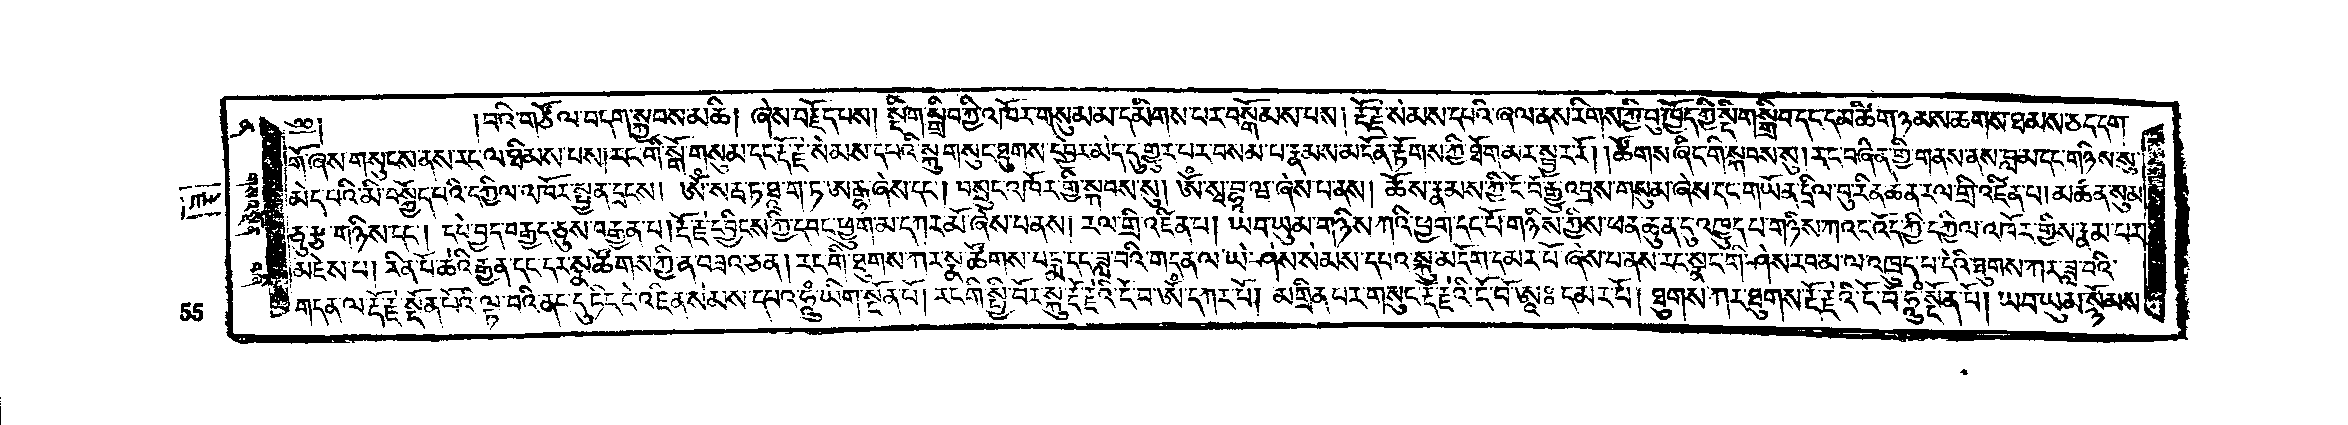༄༅། །བའི་གཙོལ་བདག་སྐྱབས་མཆི། ཞེས་བརྗོད་པས། སྡིག་སྒྲིབ་ཀྱི་འཁོར་གསུམ་མི་དམིགས་པར་བསྒོམས་པས། རྡོ་རྗེ་སེམས་དཔའི་ཞལ་ནས་རིགས་ཀྱི་བུ་ཁྱོད་ཀྱི་སྡིག་སྒྲིབ་དང་དམ་ཚིག་ཉམས་ཆགས་ཐམས་ཅད་དག་
གོ་ཞེས་གསུངས་ནས་རང་ལ་ཐིམས་པས། རང་གི་སྒོ་གསུམ་དང་རྡོ་རྗེ་སེམས་དཔའི་སྐུ་གསུང་ཐུགས་དབྱེར་མེད་དུ་གྱུར་པར་བསམ་པ་རྣམས་མངོན་རྟོགས་ཀྱི་ཐོག་མར་སྦྱར་རོ། །ཚོགས་ཞིང་གི་སྐབས་སུ། རང་བཞིན་གྱི་གནས་ནས་བླ་མ་དང་གཉིས་སུ་
མེད་པའི་མི་བསྐྱོད་པའི་དཀྱིལ་འཁོར་སྤྱན་དྲངས། ཨོཾ་སརྦ་ཏ་ཐཱ་ག་ཏ་ཨརྒྷ་ཞེས་དང་། བསྲུང་འཁོར་གྱི་སྐབས་སུ། ཨོཾ་སྭ་བྷཱ་ཝ་ཞེས་པ་ནས། ཆོས་རྣམས་ཀྱི་ངོ་བོ་རྒྱུ་འབྲས་གསུམ་ཞེས་དང་གཡོན་དྲིལ་བུ་རིན་ཆེན་རལ་གྲི་འཛིན་པ། མཚན་སུམ་
ཅུ་རྩ་གཉིས་དང་། དཔེ་བྱད་བརྒྱད་ཅུས་བརྒྱན་པ། རྡོ་རྗེ་དབྱིངས་ཀྱི་དབང་ཕྱུག་མ་དཀར་མོ་ཞེས་པ་ནས། རལ་གྲི་འཛིན་པ། ཡབ་ཡུམ་གཉིས་ཀའི་ཕྱག་དང་པོ་གཉིས་ཀྱིས་ཕན་ཚུན་དུ་འཁྱུད་པ་གཉིས་ཀའང་འོད་ཀྱི་དཀྱིལ་འཁོར་གྱིས་རྣམ་པར་
མཛེས་པ། རིན་པོ་ཆེའི་རྒྱན་དང་དར་སྣ་ཚོགས་ཀྱི་ན་བཟའ་ཅན། རང་གི་ཐུགས་ཀར་སྣ་ཚོགས་པདམ་དང་ཟླ་བའི་གདན་ལ་ཡེ་ཤེས་སེམས་དཔའ་སྐུ་མདོག་དམར་པོ་ཞེས་པ་ནས་རང་སྣང་གི་ཤེས་རབ་མ་ལ་འཁྱུད་པ་དེའི་ཐུགས་ཀར་ཟླ་བའི་
གདན་ལ་རྡོ་རྗེ་སྔོན་པོའི་ལྟ་བའི་ནང་དུ་ཏིང་ངེ་འཛིན་སེམས་དཔའ་ཧཱུཾ་ཡིག་སྔོན་པོ། རང་གི་སྤྱི་བོར་སྐུ་རྡོ་རྗེའི་ངོ་བོ་ཨོཾ་དཀར་པོ། མགྲིན་པར་གསུང་རྡོ་རྗེའི་ངོ་བོ་ཨཱཿ དམར་པོ། ཐུགས་ཀར་ཐུགས་རྡོ་རྗེའི་ངོ་བོ་ཧཱུཾ་སྔོན་པོ། ཡབ་ཡུམ་སྙོམས་